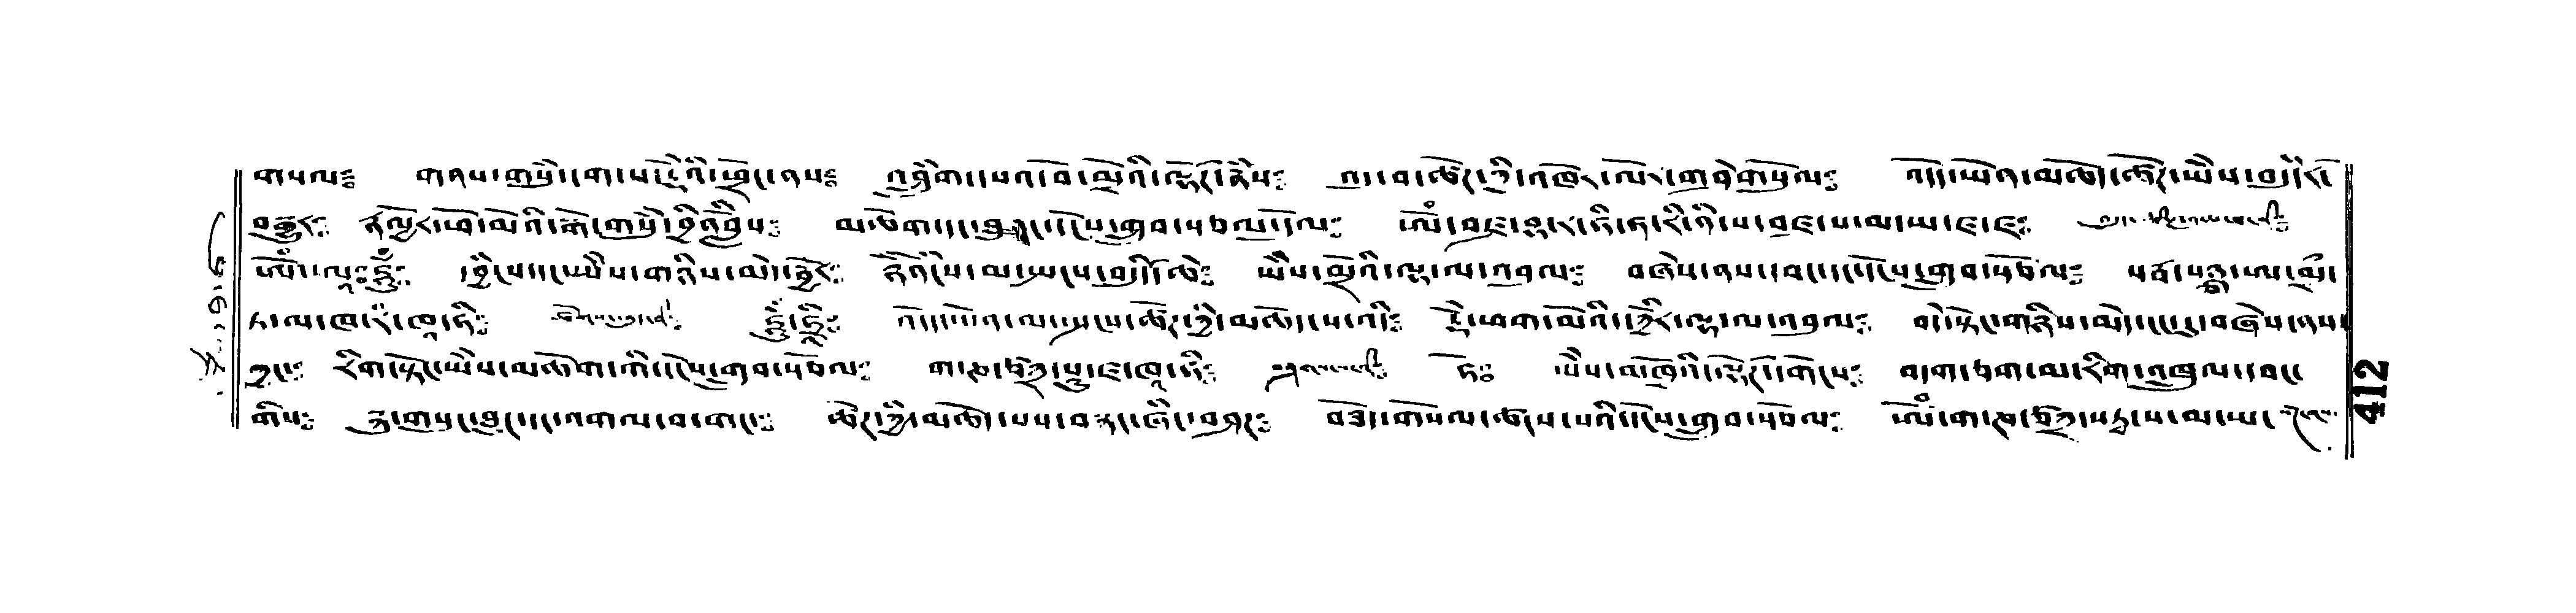གསོལ༔ གནས་གསུམ་དག་པ་རྡོ་རྗེའི་ཕོ་བྲང་ནས༔ འབུམ་ཕྲག་དཔའ་བོ་མཁའ་འགྲོའི་ལྷ་ཚོགས་རྣམས༔ འདུ་བ་ཚོགས་ཀྱི་འཁོར་ལོར་གཤེགས་སུ་གསོལ༔ འདོད་ཡོན་མཆོད་ཚོགས་ཡེ་ཤེས་བདུད་རྩིར་
བསྒྱུར༔ རྣལ་འབྱོར་ཕོ་མོའི་སྒོ་གསུམ་བྱིན་གྱིས་རློབས༔ མཆོག་དང་ཐུན་མོང་དངོས་གྲུབ་བསྩལ་དུ་གསོལ༔ ཨོཾ་བཛྲ་བྷ་ར་ཧི་ཧ་རི་ནི་ས་བཛྲ་ས་མ་ཡ་ཛ་ཛཿ བདུད་རྩི་འབུལ་བ་ནིཿ 
ཨོཾ་ཨཱཿཧཱུྃ༔ དབྱིངས་དང་ཡེ་ཤེས་གཉིས་མེད་སྦྱོར༔ ཉོན་མོངས་མ་སྤངས་བདུད་རྩི་ཆེ༔ ཡེ་ཤེས་མཁའ་འགྲོའི་ལྷ་ལ་འབུལ༔ བཞེས་ནས་དབང་དང་དངོས་གྲུབ་སྩོལ༔ སརྦ་པཉྩ་ཨ་མྲྀ་
ཏ་ལ་ཁ་རཾ་ཁཱ་ཧི༔ ཚོགས་ཕུད་ནི༔ ཧཱུྃ་ཧྲཱིཿ འདོད་ཡོན་མ་སྤངས་ཚོགས་ཀྱི་མཆོད་པ་འདི༔ རྡོ་རྗེ་ཕག་མོའི་དཀྱིལ་འཁོར་ལྷ་ལ་འབུལ༔ བདེ་སྟོང་གཉིས་མེད་ངང་དུ་བཞེས་ནས་
ཀྱངཿ རིག་སྟོང་ཡེ་ཤེས་མཆོག་གི་དངོས་གྲུབ་སྩོལ༔ ག་ཎ་ཙཀྲ་པཱུ་ཛ་ཁཱ་ཧིཿ བཤགས་པ་ནི༔ ཧོཿ ཡེ་ཤེས་མཁའ་འགྲོའི་ལྷ་ཚོགས་དགོངས༔ བདག་ཅག་མ་རིག་འཁྲུལ་དབང་
གིས༔ སྐུ་གསུང་ཐུགས་དང་འགལ་བ་གང༔ ཚོགས་ཀྱི་མཆོད་པས་བསྐང་ཞིང་བཤགས༔ བཟོད་གསོལ་ཚངས་པའི་དངོས་གྲུབ་སྩོལ༔ ཨོཾ་ག་ཎ་ཙཀྲ་སཏྭ་ས་མ་ཡ་སོགས་ནས༔